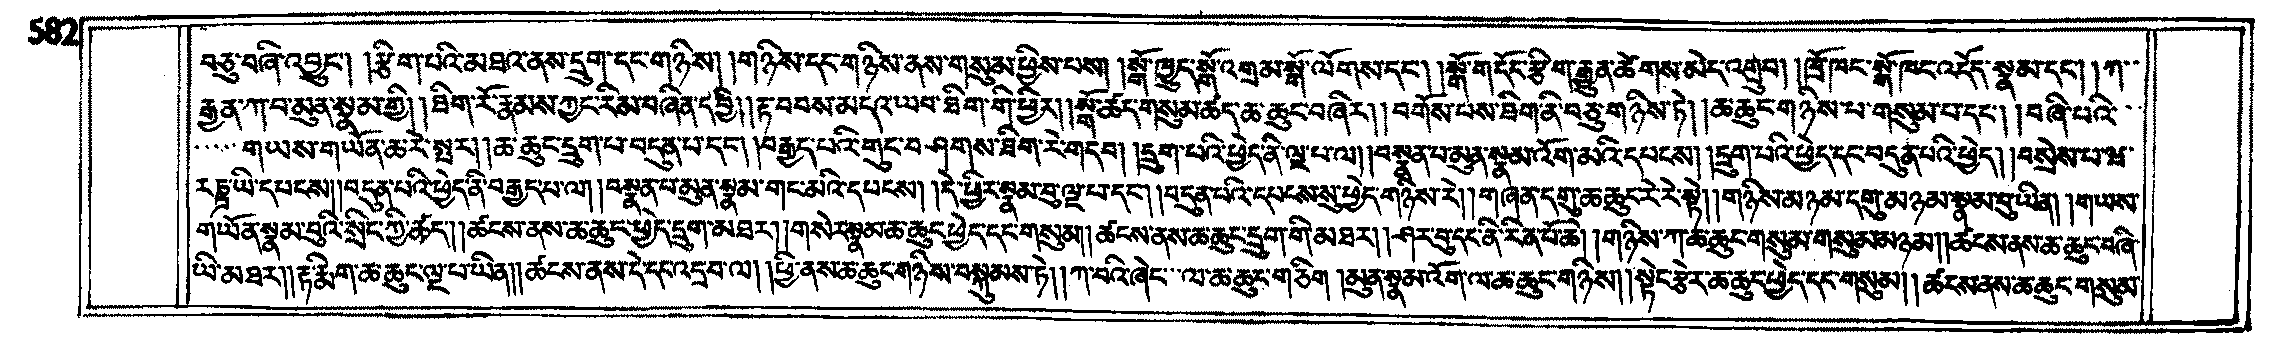བཅུ་བཞི་འབྱུང་། །རྩིག་པའི་མཐའ་ནས་དྲུག་དང་གཉིས། །གཉིས་དང་གཉིས་ནས་གསུམ་ཕྱིས་པས། །སྒོ་ཁྱུད་སྒོ་འགྲམ་སྒོ་ལོགས་དང་། །སྒོ་གདོང་རྩིག་རྒྱུན་ཚེགས་མེད་འགྲུབ། །ཁྲོ་ཁང་སྒོ་ཁང་འདོད་སྣམ་དང་། །ཀ་་་
རྒྱན་ཀ་བ་མུན་སྣམ་གྱི། །ཐིག་རོ་རྣམས་ཀྱང་རིམ་བཞིན་དབྱི། །རྟ་བབས་མདའ་ཡབ་ཐིག་གི་ཕྱིར། །སྒོ་ཚད་གསུམ་ཚད་ཆ་ཆུང་བཞིར། །བགོས་པས་ཐིག་ནི་བཅུ་གཉིས་ཏེ། །ཆ་ཆུང་གཉིས་པ་གསུམ་པ་དང་། །བཞི་པའི་་་
་་་གཡས་གཡོན་ཆ་རེ་སྤར། །ཆ་ཆུང་དྲུག་པ་བདུན་པ་དང་། །བརྒྱད་པའི་གུང་བཤགས་ཐིག་རེ་གདབ། །དྲུག་པའི་ཕྱེད་ནི་ལྔ་པ་ལ། །བསྣན་པ་མུན་སྣམ་འོག་མའི་དཔངས། །དྲུག་པའི་ཕྱེད་དང་བདུན་པའི་ཕྱེད། །བསྲེས་པ་ཝ་
རཎྜ་ཡི་དཔངས། །བདུན་པའི་ཕྱེད་ནི་བརྒྱད་པ་ལ། །བསྣན་པ་མུན་སྣམ་གང་མའི་དཔངས། །དེ་ཕྱིར་སྣམ་བུ་ལྔ་པ་དང་། །བདུན་པའི་དཔངས་སུ་ཕྱེད་གཉིས་རེ། །གཞན་དགུ་ཆ་ཆུང་རེ་རེ་སྟེ། །གཉིས་མཉམ་དགུ་མཉམ་སྣམ་བུ་ཡིན། །གཡས་
གཡོན་སྣམ་བུའི་སྲིང་ཀྱི་ཚད། །ཚངས་ནས་ཆ་ཆུང་ཕྱེད་དྲུག་མཐར། །གསེར་སྣམ་ཆ་ཆུང་ཕྱེད་དང་གསུམ། །ཚངས་ནས་ཆ་ཆུང་དྲུག་གི་མཐར། །ཤར་བུ་དང་ནི་རིན་པོ་ཆེ། །གཉིས་ཀ་ཆ་ཆུང་གསུམ་གསུམ་མཉམ། །ཚངས་ནས་ཆ་ཆུང་བཞི་
ཡི་མཐར། །རྟ་རྨིག་ཆ་ཆུང་ལྔ་པ་ཡིན། །ཚངས་ནས་དེ་དང་འདྲ་བ་ལ། །ཕྱེ་ནས་ཆ་ཆུང་གཉིས་བསྐུམས་ཏེ། །ཀ་བའི་ཞེང་་་་ལ་ཆ་ཆུང་གཅིག །མུན་སྣམ་འོག་ལ་ཆ་ཆུང་གཉིས། །སྟེང་རྩེར་ཆ་ཆུང་ཕྱེད་དང་གསུམ། །ཚངས་ནས་ཆ་ཆུང་གསུམ་